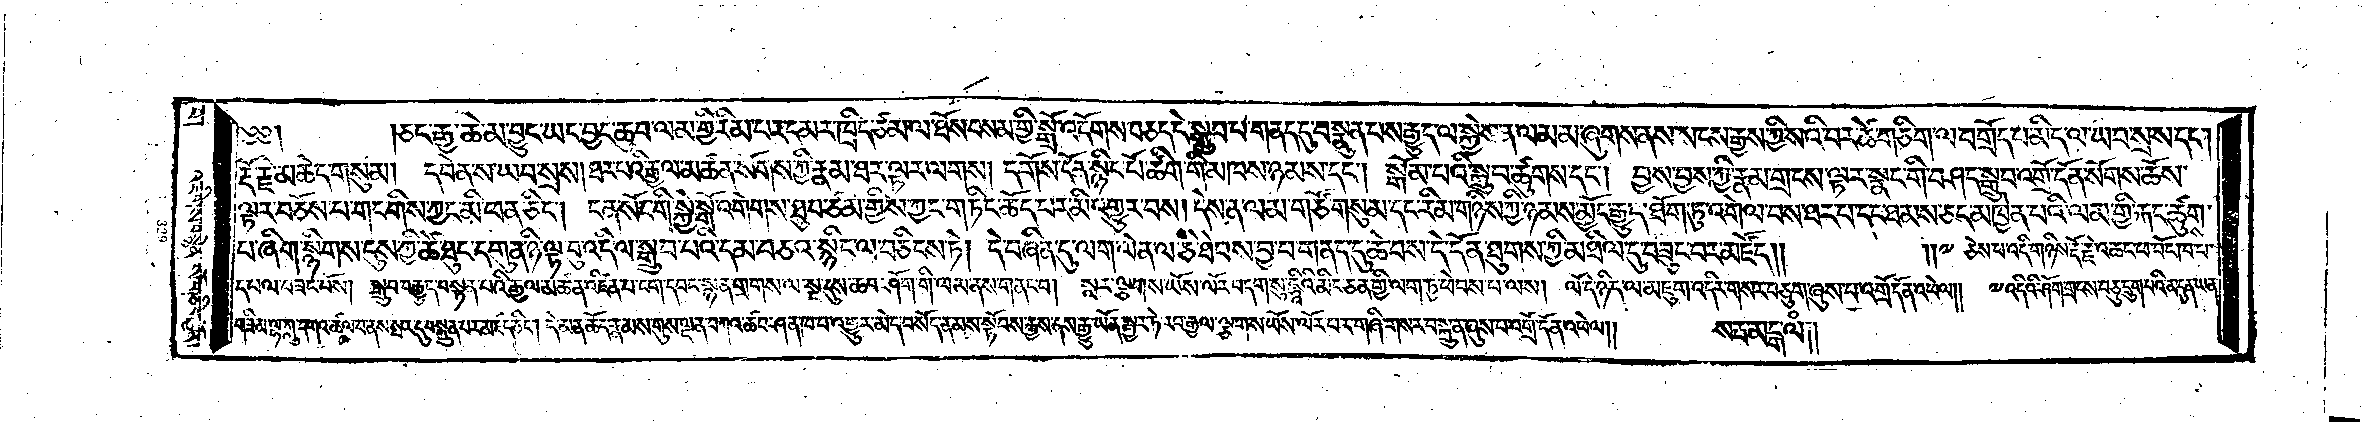༄༅། །ཅང་རྒྱ་ཆེ་མ་བྱུང་ཡང་བྱང་ཆུབ་ལམ་གྱི་རིམ་པར་དམར་ཁྲིད་ཙམ་ལ་ཐོས་བསམ་གྱི་སྒྲོ་འདོགས་བཅད་དེ་སྒྲུབ་པ་གནད་དུ་བསྣུན་པས་རྒྱུད་ལ་སྐྱེས་ན་ལམ་མ་ཞུགས་ནས་སངས་རྒྱས་ཀྱི་སའི་བར་ཚེ་གཅིག་ལ་བགྲོད་པ་མིད་ལ་ཡབ་སྲས་དང་།
རྡོ་རྗེ་མཆེད་གསུམ། དབེན་ས་ཡབ་སྲས། ཐར་པའི་རྒྱལ་མཚན་སོགས་ཀྱི་རྣམ་ཐར་ལྟར་ལགས། དགོས་དོན་སྙིང་པོ་ཚིག་གི་མཁས་ཉམས་དང་། སྒོམ་པའི་སྒྲུབ་ཚུགས་དང་། བྱས་བྱས་ཀྱི་རྣམ་གྲངས་ལྟར་སྣང་གི་བཤད་སྒྲུབ་འགྲོ་དོན་སོགས་ཆོས་
ལྟར་བཅོས་པ་གང་གིས་ཀྱང་མི་ཕན་ཅིང་། ངན་སོང་གི་སྐྱེ་སྒོ་འགེགས་ཐུབ་ཙམ་གྱིས་ཀྱང་གཏིང་ཆོད་པར་མི་འགྱུར་པས། དེས་ན་ལམ་གཙོ་གསུམ་དང་རིམ་གཉིས་ཀྱི་ཉམས་མྱོང་རྒྱུད་ཐོག་ཏུ་འགེལ་བས་ཐར་པ་དང་ཐམས་ཅད་མཁྱེན་པའི་ལམ་གྱི་རྐང་ཚུགས་
པ་ཞིག་སྙིགས་དུས་ཀྱི་ཚེ་ཐུང་དགུན་ཉི་ལྟ་བུ་འདི་ལ་སྒྲུབ་པའི་དམ་བཅའ་སྙིང་ལ་བཅིངས་ཏེ། དེ་བཞིན་དུ་ལག་ལེན་ལ་ཅི་ཐེབས་བྱ་བ་གནད་དུ་ཆེ་བས་དེ་དོན་ཐུགས་ཀྱི་མཐིལ་དུ་བཟུང་བར་མཛོད།། །།༧་ཅེས་པ་འདི་གཉིས་རྡོ་རྗེ་འཆང་ཕ་བོང་ཁ་པ་
དཔལ་བཟང་པོས། སྒྲུབ་བརྒྱུད་བསྟན་པའི་རྒྱལ་མཚན་འཛིན་པ་ངག་དབང་སྙན་གྲགས་ལ་སྔ་དུས་ཆབ་ཤོག་གི་ལམ་ནས་གནང་བ། སླར་ལྕགས་ཡོས་ལོར་བདག་སུདྷཱིའི་མིང་ཅན་གྱི་ལག་ཏུ་ཕེབས་པ་ལས། ལོ་དེ་ཉིད་ལ་འཇུག་འདིར་གསར་བཅུག་ཞུས་པ་འགྲོ་དོན་འཕེལ།། ༧འདིའི་ཤོག་གྲངས་བཅུ་དྲུག་པའི་མདུན་ཡན་
གཟིམ་ལྷ་ཀླུ་དཀའ་ཚལ་བ་ནས་སྤར་དུ་བསྐྲུན་པར་མཛད་ཅིང་། དེ་མན་ཆོད་རྣམས་གུས་ལྡན་བཀའ་ཚབ་ཤན་ཁ་བ་འཕྱུར་མེད་བསོད་ནམས་སྟོབས་རྒྱས་ནས་རྒྱུ་ཡོན་སྦྱར་ཏེ་རབ་རྒྱལ་ལྕགས་ཡོས་ལོར་བར་གཞི་གསར་བསྐྲུན་ཞུས་པ་འགྲོ་དོན་འཕེལ།། སརྦ་མངྒ་ལཾ།།